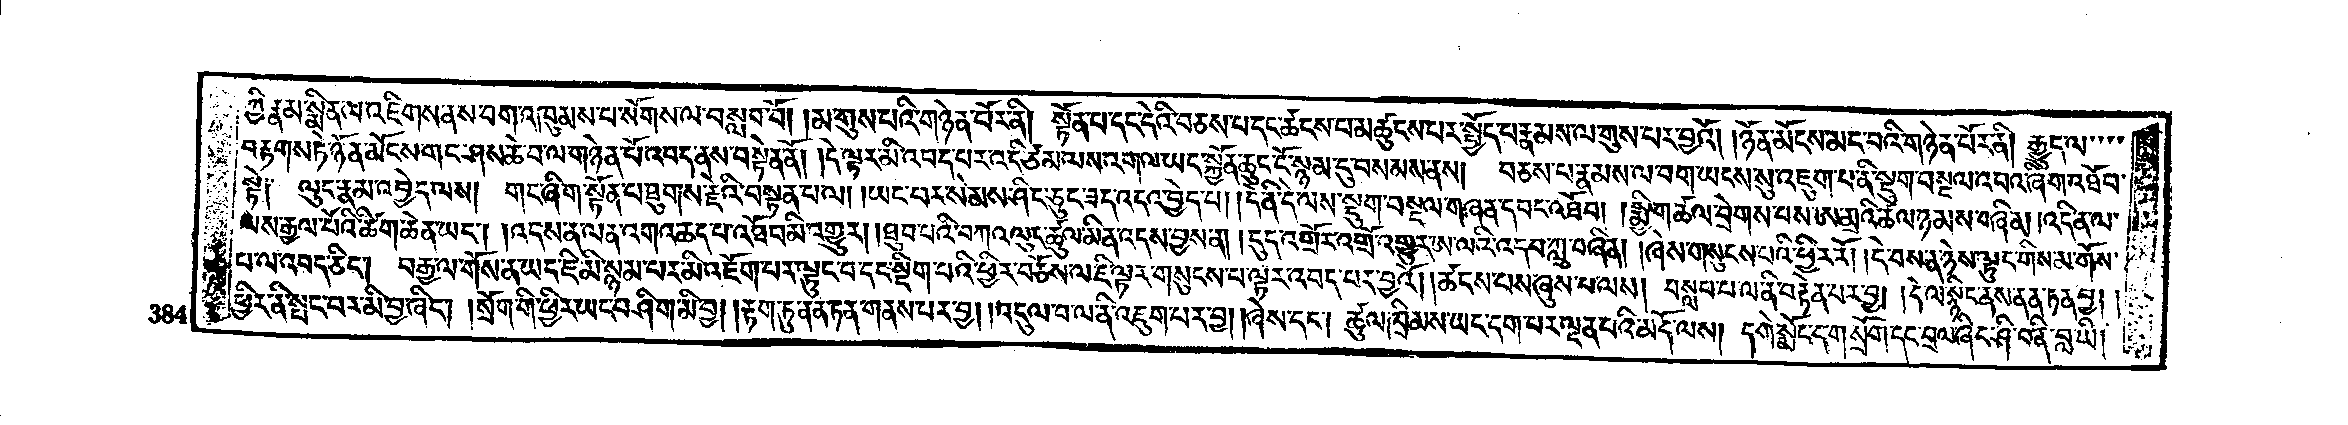ཀྱི་རྣམ་སྨིན་ལ་འཇིགས་ནས་བག་འཁུམས་པ་སོགས་ལ་བསླབ་བོ། །མ་གུས་པའི་གཉེན་པོར་ནི། སྟོན་པ་དང་དེའི་བཅས་པ་དང་ཚངས་པ་མཚུངས་པར་སྤྱོད་པ་རྣམས་ལ་གུས་པར་བྱའོ། །ཉོན་མོངས་མང་བའི་གཉེན་པོར་ནི། རྒྱུད་ལ་
བརྟགས་ཏེ་ཉོན་མོངས་གང་ཤས་ཆེ་བ་ལ་གཉེན་པོ་འབད་ནས་བསྟེན་ནོ། །དེ་ལྟར་མི་འབད་པར་འདི་ཙམ་ལས་འགལ་ཡང་སྐྱོན་ཆུང་ངོ་སྙམ་དུ་བསམས་ནས། བཅས་པ་རྣམས་ལ་བག་ཡངས་སུ་འཇུག་པ་ནི་སྡུག་བསྔལ་འབའ་ཞིག་འཐོབ་
སྟེ༑ ལུང་རྣམ་འབྱེད་ལས། གང་ཞིག་སྟོན་པ་ཐུགས་རྗེའི་བསྟན་པ་ལ། །ཡང་བར་སེམས་ཤིང་ཅུང་ཟད་འདའ་བྱེད་པ། །དེ་ནི་དེ་ལས་སྡུག་བསྔལ་གཞན་དབང་འཐོབ། །སྨྱིག་ཚལ་བྲེགས་པས་ཨ་མྲའི་ཚལ་ཉམས་བཞིན། །འདི་ན་ལ་
ལས་རྒྱལ་པོའི་ཚིག་ཆེན་ཡང་། །འདས་ན་ལན་འགའ་ཆད་པ་འཐོབ་མི་འགྱུར། །ཐུབ་པའི་བཀའ་ལུང་ཚུལ་མིན་འདས་བྱས་ན། །དུད་འགྲོར་འགྲོ་འགྱུར་ཨེ་ལའི་འདབ་ཀླུ་བཞིན། །ཞེས་གསུངས་པའི་ཕྱིར་རོ། །དེ་བས་ན་ཉེས་ལྟུང་གིས་མ་གོས་
པ་ལ་འབད་ཅིང་། བརྒྱ་ལ་གོས་ན་ཡང་ཇི་མི་སྙམ་པར་མི་འཇོག་པར་ལྟུང་བ་དང་སྡིག་པའི་ཕྱིར་བཅོས་ལ་ཇི་ལྟར་གསུངས་པ་ལྟར་འབད་པར་བྱའོ། །ཚངས་པས་ཞུས་པ་ལས། བསླབ་པ་ལ་ནི་བརྟེན་པར་བྱ། །དེ་ལ་སྙིང་ནས་ནན་ཏན་བྱ། །
ཕྱིར་ནི་སྤང་བར་མི་བྱ་ཞིང་། །སྲོག་གི་ཕྱིར་ཡང་བཤིག་མི་བྱ། །རྟག་ཏུ་ནན་ཏན་གནས་པར་བྱ། །འདུལ་བ་ལ་ནི་འཇུག་པར་བྱ། །ཞེས་དང་། ཚུལ་ཁྲིམས་ཡང་དག་པར་ལྡན་པའི་མདོ་ལས། དགེ་སློང་དག་སྲོག་དང་བྲལ་ཞིང་ཤི་བ་ནི་བླ་ཡི།